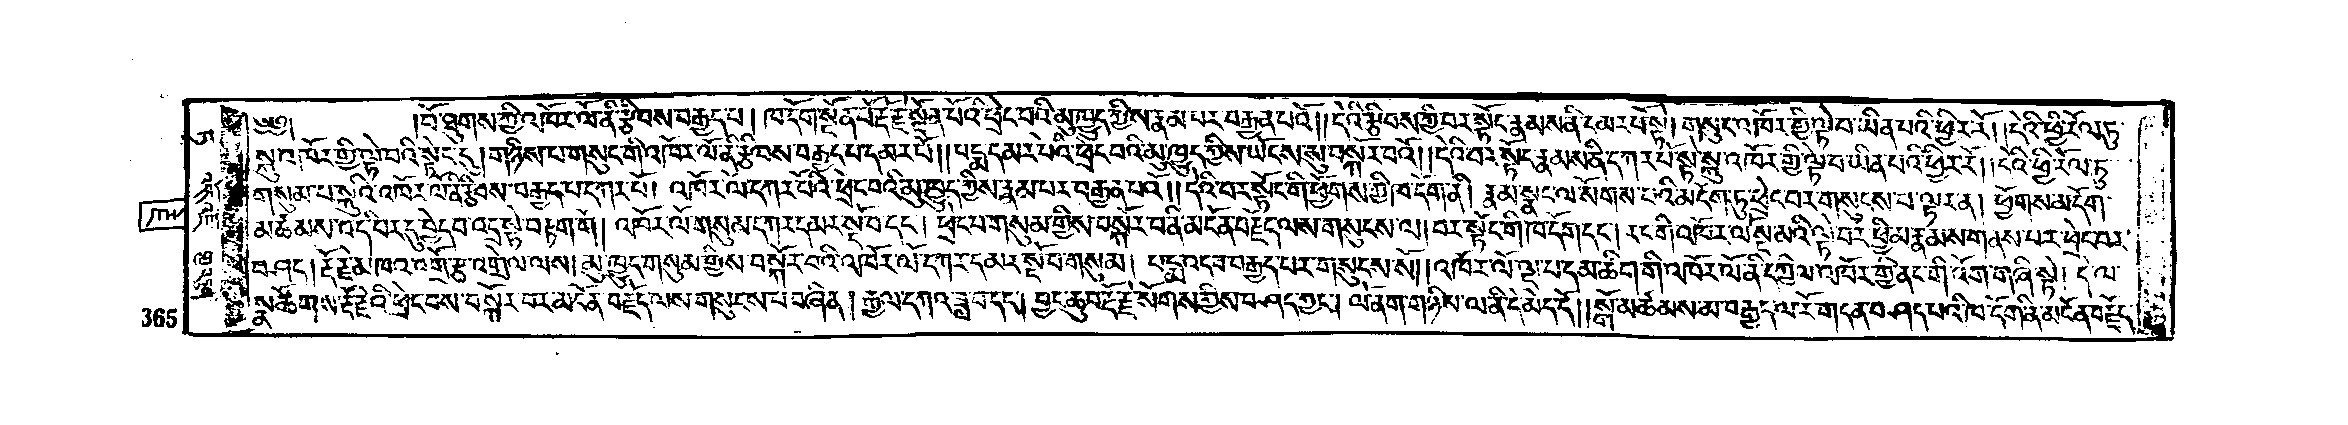༄༅། །བོ་ཐུགས་ཀྱི་འཁོར་ལོ་ནི་རྩིབས་བརྒྱད་པ། ཁ་དོག་སྔོན་པོ་རྡོ་རྗེ་སྔོན་པོའི་ཕྲེང་བའི་མུ་ཁྱུད་ཀྱིས་རྣམ་པར་བརྒྱན་པའོ། །དེའི་རྩིབས་ཀྱི་བར་སྟོང་རྣམས་ནི་དམར་པོ་སྟེ། གསུང་འཁོར་གྱི་ལྟེ་བ་ཡིན་པའི་ཕྱིར་རོ། །དེའི་ཕྱི་རོལ་ཏུ་
སྐུ་འཁོར་གྱི་ལྟེ་བའི་སྟེང་དུ། གཉིས་པ་གསུང་གི་འཁོར་ལོ་ནི་རྩིབས་བརྒྱད་པ་དམར་པོ། །པདམ་དམར་པོའི་ཕྲེང་བའི་མུ་ཁྱུད་ཀྱིས་ཡོངས་སུ་བསྐོར་བའོ། །དེའི་བར་སྟོང་རྣམས་ནི་དཀར་པོ་སྟེ་སྐུ་འཁོར་གྱི་ལྟེ་བ་ཡིན་པའི་ཕྱིར་རོ། །དེའི་ཕྱི་རོལ་ཏུ་
གསུམ་པ་སྐུའི་འཁོར་ལོ་ནི་རྩིབས་བརྒྱད་པ་དཀར་པོ། འཁོར་ལོ་དཀར་པོའི་ཕྲེང་བའི་མུ་ཁྱུད་ཀྱིས་རྣམ་པར་བརྒྱན་པའོ། །དེའི་བར་སྟོང་གི་ཕྱོགས་ཀྱི་ཁ་དོག་ནི། རྣམ་སྣང་ལ་སོགས་པའི་མདོག་ཏུ་ཕྲེང་བར་གསུངས་པ་ལྟར་ན། ཕྱོགས་མདོག་
མཚམས་འདི་བར་དུ་བྱེད་པ་འདྲ་སྟེ་བརྟག་གོ། འཁོར་ལོ་གསུམ་དཀར་དམར་སྔོ་བ་དང་། ཕྲེང་བ་གསུམ་གྱིས་བསྐོར་བ་ནི་མངོན་བརྗོད་ལས་གསུངས་ལ། བར་སྟོང་གི་ཁ་དོག་དང་། རང་གི་འཁོར་ལོ་སྔ་མའི་ལྟེ་བར་ཕྱི་མ་རྣམས་གནས་པར་ཕྲེང་བར་
བཤད། རྡོ་རྗེ་མཁའ་འགྲོ་རྩ་འགྲེལ་ལས། མུ་ཁྱུད་གསུམ་གྱིས་བསྐོར་བའི་འཁོར་ལོ་དཀར་དམར་སྔོ་བ་གསུམ། པདམ་འདབ་བརྒྱད་པར་གསུངས་སོ། །འཁོར་ལོ་ལྔ་པ་དམ་ཚིག་གི་འཁོར་ལོ་ནི་དཀྱིལ་འཁོར་གྱི་ནང་གི་འོག་གཞི་སྟེ། དེ་ལ་
སྣ་ཚོགས་རྡོ་རྗེའི་ཕྲེང་བས་བསྐོར་པར་མངོན་བརྗོད་ལས་གསུངས་པ་བཞིན། རྒྱལ་དཀའ་ཟླ་བ་དང་། བྱང་ཆུབ་རྡོ་རྗེ་སོགས་ཀྱིས་བཤད་ཀྱང་། ལོ་ནག་གཉིས་ལ་ནི་དེ་མེད་དོ། །སྒོ་མཚམས་མ་བརྒྱད་ལ་རོ་གདན་བཤད་པའི་ཁ་དོག་ནི་མངོན་བརྗོད་